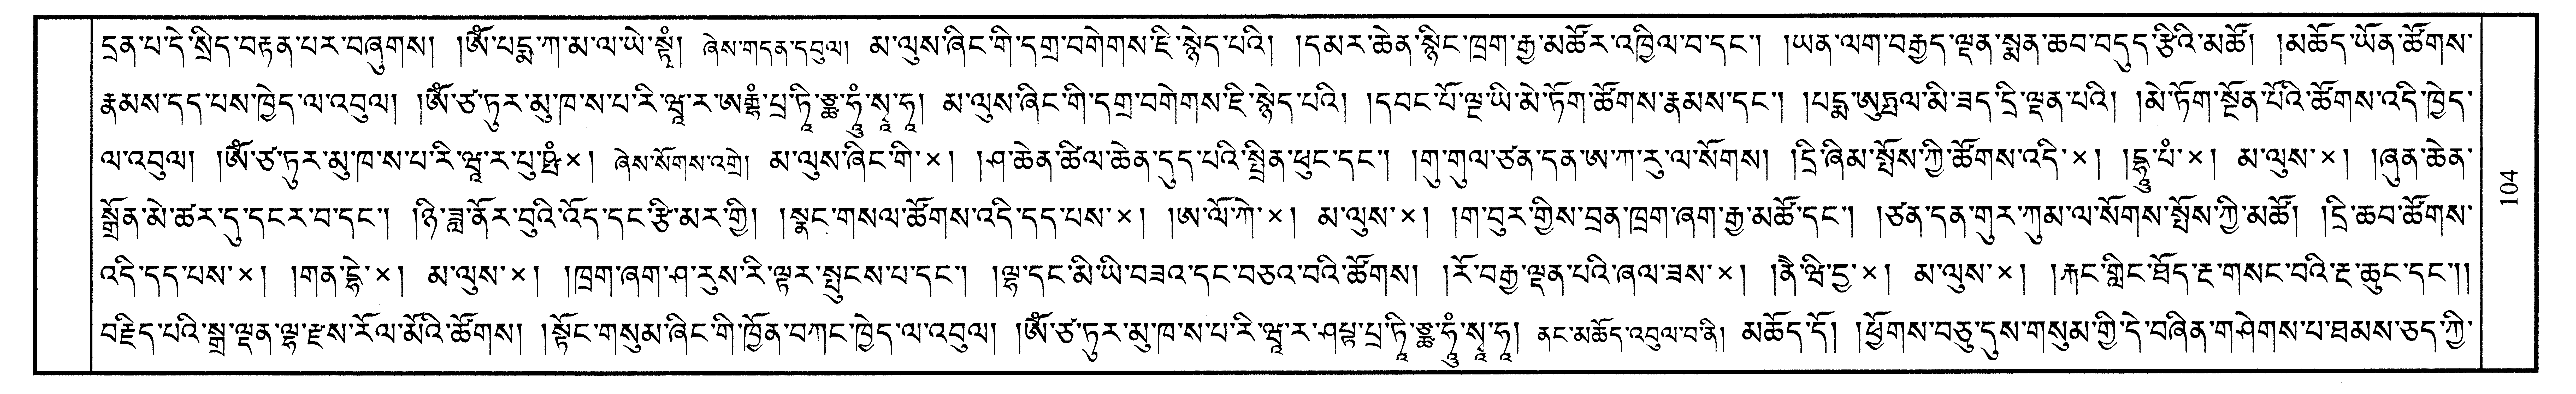དྲན་པ་དེ་སྲིད་བརྟན་པར་བཞུགས། །ཨོཾ་པདམ་ཀ་མ་ལ་ཡེ་སྟྭཾ། ཞེས་གདན་དབུལ། མ་ལུས་ཞིང་གི་དགྲ་བགེགས་ཇི་སྙེད་པའི། །དམར་ཆེན་སྙིང་ཁྲག་རྒྱ་མཚོར་འཁྱིལ་བ་དང་། །ཡན་ལག་བརྒྱད་ལྡན་སྨན་ཆབ་བདུད་རྩིའི་མཚོ། །མཆོད་ཡོན་ཚོགས་
རྣམས་དད་པས་ཁྱེད་ལ་འབུལ། །ཨོཾ་ཙ་ཏུར་མུ་ཁ་ས་པ་རི་ཝཱ་ར་ཨརྒྷཾ་པྲ་ཏཱི་ཙྪ་ཧཱུཾ་སྭཱ་ཧཱ། མ་ལུས་ཞིང་གི་དགྲ་བགེགས་ཇི་སྙེད་པའི། །དབང་པོ་ལྔ་ཡི་མེ་ཏོག་ཚོགས་རྣམས་དང་། པདམ་ཨུཏྤལ་མི་ཟད་དྲི་ལྡན་པའི། །མེ་ཏོག་སྔོན་པོའི་ཚོགས་འདི་ཁྱེད་
ལ་འབུལ། །ཨོཾ་ཙ་ཏུར་མུ་ཁ་ས་པ་རི་ཝཱ་ར་པུ་ཥྤཾ་྾། ཞེས་སོགས་འགྲེ། མ་ལུས་ཞིང་གི་྾། །ཤ་ཆེན་ཚིལ་ཆེན་དུད་པའི་སྤྲིན་ཕུང་དང་། །གུ་གུལ་ཙན་དན་ཨ་ཀ་རུ་ལ་སོགས། །དྲི་ཞིམ་སྤོས་ཀྱི་ཚོགས་འདི་྾། །དྷཱུ་པཾ་྾། མ་ལུས་྾། །ཞུན་ཆེན་
སྒྲོན་མེ་ཚར་དུ་དངར་བ་དང་། །ཉི་ཟླ་ནོར་བུའི་འོད་དང་རྩི་མར་གྱི། །སྣང་གསལ་ཚོགས་འདི་དད་པས་྾། །ཨ་ལོ་ཀེ་྾། མ་ལུས་྾། །ག་བུར་གྱིས་བྲན་ཁྲག་ཞག་རྒྱ་མཚོ་དང་། །ཙན་དན་གུར་ཀུམ་ལ་སོགས་སྤོས་ཀྱི་མཚོ། །དྲི་ཆབ་ཚོགས་
འདི་དད་པས་྾། །གན་དྷེ་྾། མ་ལུས་྾། །ཁྲག་ཞག་ཤ་རུས་རི་ལྟར་སྤུངས་པ་དང་། །ལྷ་དང་མི་ཡི་བཟའ་དང་བཅའ་བའི་ཚོགས། །རོ་བརྒྱ་ལྡན་པའི་ཞལ་ཟས་྾། །ནཻ་ཝི་དྱ་྾། མ་ལུས་྾། །རྐང་གླིང་ཐོད་རྔ་གསང་བའི་རྔ་ཆུང་དང།།
བརྗིད་པའི་སྒྲ་ལྡན་ལྷ་རྫས་རོལ་མོའི་ཚོགས། །སྟོང་གསུམ་ཞིང་གི་ཁྱོན་བཀང་ཁྱེད་ལ་འབུལ། །ཨོཾ་ཙ་ཏུར་མུ་ཁ་ས་པ་རི་ཝཱ་ར་ཤཔྟ་པྲ་ཏཱི་ཙྪ་ཧཱུཾ་སྭཱ་ཧཱ། ནང་མཆོད་འབུལ་བ་ནི། མཆོད་དོ། །ཕྱོགས་བཅུ་དུས་གསུམ་གྱི་དེ་བཞིན་གཤེགས་པ་ཐམས་ཅད་ཀྱི་